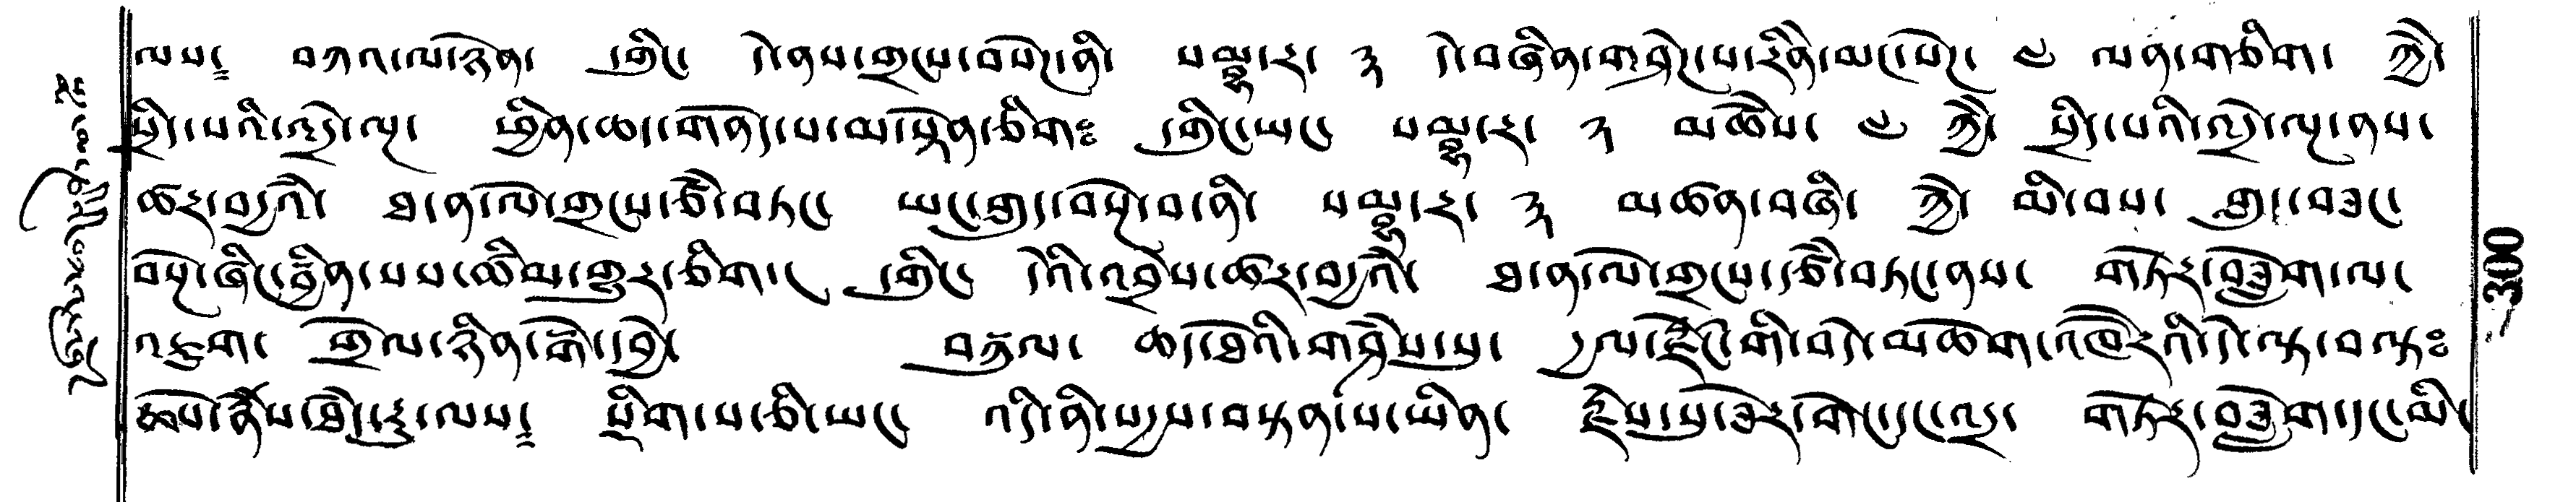ལས༴ བཀའ་ལ་ཉོན། དགུ་ཐིང་། དེ་ནས་གྲངས་གསོག་ནི། སམྦྷ་ར། གསུམ། དེ་བཞིན་གཤེགས་པ་རིན་ཆེན་མང༴ སོགས་བཞི། ལན་གཅིག ཀྱཻ། 
སྲིད་པའི་འདྲེ་ལྔ། ཕྱིན་ཆད་གནོད་པ་མ་སྟོན་ཅིག དགུ་ཐིང་། ཡང་། སམྦྷ་ར༴ གཉིས།མཚན་བཞི། ཀྱཻ། སྲིད་པའི་འདྲེ་ལྔ༴ ནས་
ཚར་བརྒྱའམ། ཐ་ན་ལོ་གྲངས་ཙམ་བཏང་། ཡང་གླུད་བསྔོ་བ་ནི། སམྦྷ་ར༴ གསུམ། མཚན་བཞི། ཀྱཻ། མི་བས་གླུང་བཟང༴ 
བསྔོས་ཞིང་སྦྱིན་པས་ཚིམ་གྱུར་ཅིག དགུ་ཐིང་། དེས་འགྲེས་ཚར་བརྒྱའམ། ཐ་ན་ལོ་གྲངས་ཙམ་བཏང་ནས། གཏོར་བཟློག་ལ་
འཇུག གྲོལ་ཉིན་སྒོ་དབྱེ། བསྐུལ། ཆད་ཐོའི་གཤམ་དུ། རྒྱལ་རྫོང་ག ི བདེ་མཆོག་འཁོར་ལོའི་དེ་ལྟར་བལྟ། 
ཆོས་རྣམས་ཐམས་ཅད་རྒྱུ་ལས༴ སྡིག་པ་ཅི་ཡང༴ འདི་ནི་སངས་རྒྱས་བསྟན་པ་ཡིན། རྗེས་སུ། ཟོར་གོང་དང་འདྲ། གཏོར་བཟློག་དང་མི་